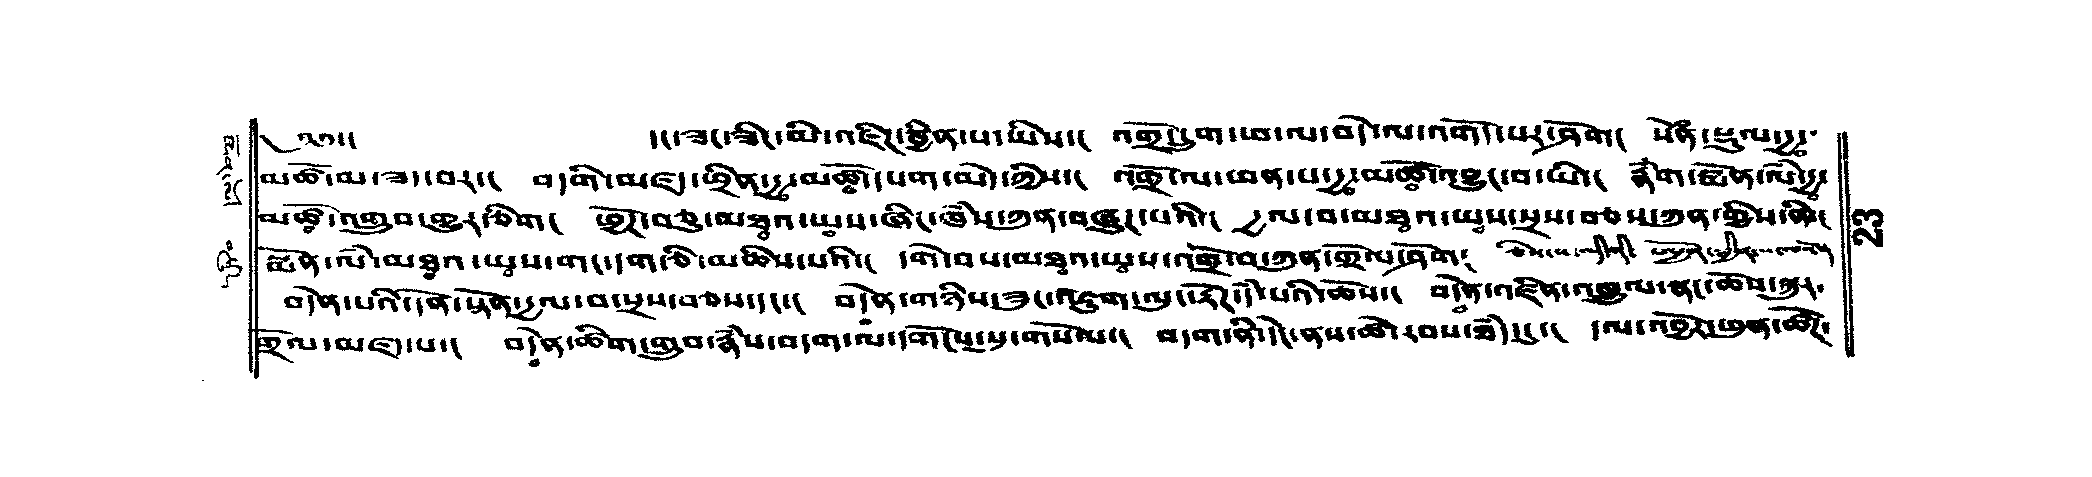དང་ཟང་ཟིང་མི་འཇིགས་སྦྱིན་པ་ཡིས། །འགྲོ་དྲུག་ཕ་མ་བདེ་ལ་འགོད་པར་ཤོག །སེམས་ཅན་སྡུག་བསྔལ་རྒྱ་
མཚོ་མ་ཟད་བར། །བདག་གི་མཛད་ཕྲིན་རྒྱ་མཚོ་དཔག་མེད་ཀྱིས། །འགྲོ་ལ་ཕན་པ་རྒྱ་མཚོ་འབྱུང་བ་ཡི། །རྣམ་དག་སྨོན་ལམ་རྒྱ་
མཚོ་འགྲུབ་གྱུར་ཅིག །ཕྱོགས་བཅུ་མཐའ་ཡས་ཞིང་ཁམས་ཀུན་བཞུགས་པའི། །རྒྱལ་བ་མཐའ་ཡས་སྲས་བཅས་ཀུན་གྱིས་ནི། །
སྨོན་ལམ་མཐའ་ཡས་གང་དག་ཅི་མཆིས་པའི། །དགེ་བས་མཐའ་ཡས་འགྲོ་བ་ཀུན་གྲོལ་ཤོག ཅེས་པ་འདི་ནི་ཨོ་རྒྱན་སྦྱིན་པ་ལའོ།། 
བདེན་པའི་དོན་སྟོན་རྒྱལ་བ་སྲས་བཅས་དང་། །བདེན་གཉིས་ཟུང་འཇུག་ལུང་རྟོགས་དམ་པའི་ཆོས། །བདེན་འཛིན་འཁྲུལ་སྣང་ཆོས་སྐུར་
གྲོལ་མཛད་པ། །བདེན་ཚིག་གྲུབ་རྣམས་བདག་ལ་དགོངས་སུ་གསོལ། །བདག་ནི་དེང་ནས་ཚེ་རབས་ཐམས་ཅད་དུ། །དལ་འབྱོར་ཕུན་ཚོགས་